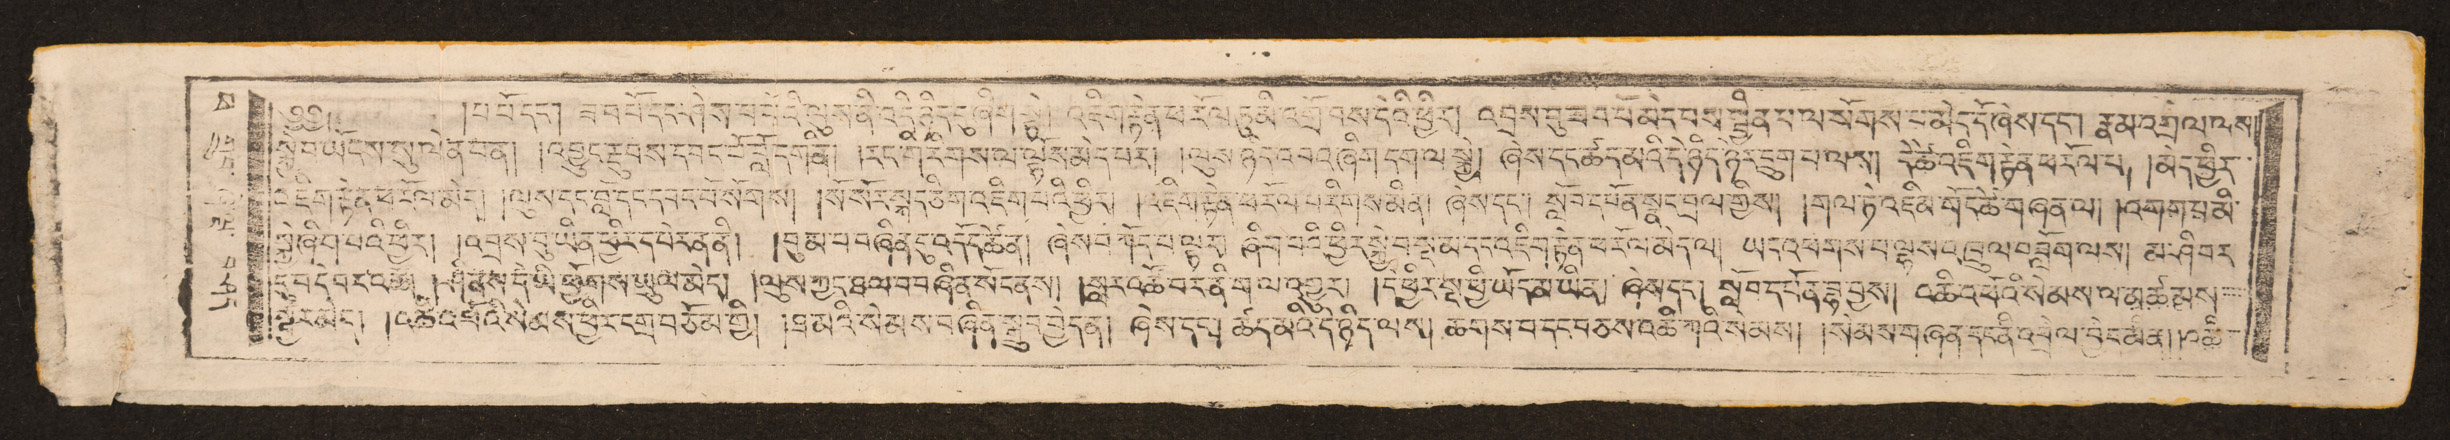༄༅། །བ་བོ་དང་། ཟ་བ་བོ་དང་ཤེས་བ་བོའི་ལུས་ནི་འདི་ཉིད་དུ་ཞིག་སྟེ། འཇིག་རྟེན་ཕ་རོལ་ཏུ་མི་འགྲོ་བས་དེའི་ཕྱིར། འབྲས་བུ་ཟ་བ་བོ་མེད་པས་སྦྱིན་པ་ལ་སོགས་བ་མེད་དོ་ཞེས་དང་། རྣམ་འགྲེལ་ལས།
སྐྱེ་བ་ཡོངས་སུ་ལེན་པ་ན། །འབྱུང་རྡུབས་དབང་པོ་བློ་དག་ནི། །རང་གི་རིགས་ལ་ལྟོས་མེད་པར། །ལུས་ཉིད་འབའ་ཞིག་དག་ལ་སྐྱེ། ཞེས་དང་ཚད་མའི་དེ་ཉིད་ཉེར་དྲུག་པ་ལས། དེ་ཚེ་འཇིག་རྟེན་ཕ་རོལ་བ། །མེད་ཕྱིར་
འཇིག་རྟེན་ཕ་རོལ་མེད། །ལུས་དང་བློ་དང་དབང་བོ་སོགས། །སོ་སོར་སྐད་ཅིག་འཇིག་པའི་ཕྱིར། །འཇིག་རྟེན་ཕ་རོལ་བ་རིགས་མིན། ཞེས་དང་། སློབ་དཔོན་སྣང་བྲལ་གྱིས། །གལ་ཏེ་འཇིམ་གོང་ཚེ་གཞན་ལ། །འགག་བ་མི་
སྐྱེ་ཞིག་པའི་ཕྱིར། །འབྲས་བུ་ཡིན་ཕྱིར་དབེར་ན་ནི། །བུ་མ་པ་བཞིན་དུ་འདོང་ཚེན། ཞེས་བཀོད་པ་ལྟར། ཞིག་པའི་ཕྱིར་སྐྱེ་བ་སྔ་མ་དང་འཇིག་རྟེན་ཕ་རོལ་མེད་ལ། ཡང་འཕགས་པ་ལྷས་འཁྲུལ་བཟློག་ལས། མ་ཤི་བར་
དུ་བདེ་བར་འཚོ། །ཤི་ཅས་དེ་ཡི་ཕྱོགས་ཡུལ་མེད། །ལུས་ཀྱང་ཐལ་བ་བཞིན་སོང་ནས། །སླར་འཚོ་བར་ནི་ག་ལ་འགྱུར། །དེ་ཕྱིར་སྔ་ཕྱི་ཡོད་མ་ཡིན། ཞེས་དང་། སློབ་དཔོན་བྷ་བྱས། འཆི་འཕོའི་སེམས་ལ་མཚམས་
སྦྱོར་མེད། །འཆི་འཕོའི་སེམས་ཕྱིར་དགྲ་བཅོམ་གྱི། །ཐ་མའི་སེམས་བཞིན་སྒྲུབ་བྱེད་ན། ཞེས་དང་། ཚད་མའི་དེ་ཉིད་ལས། ཆགས་པ་དང་བཅས་འཆི་ཀའི་སེམས། །སེམས་གཞན་དང་ནི་འབྲེལ་བྱེད་མིན། །འཆི་